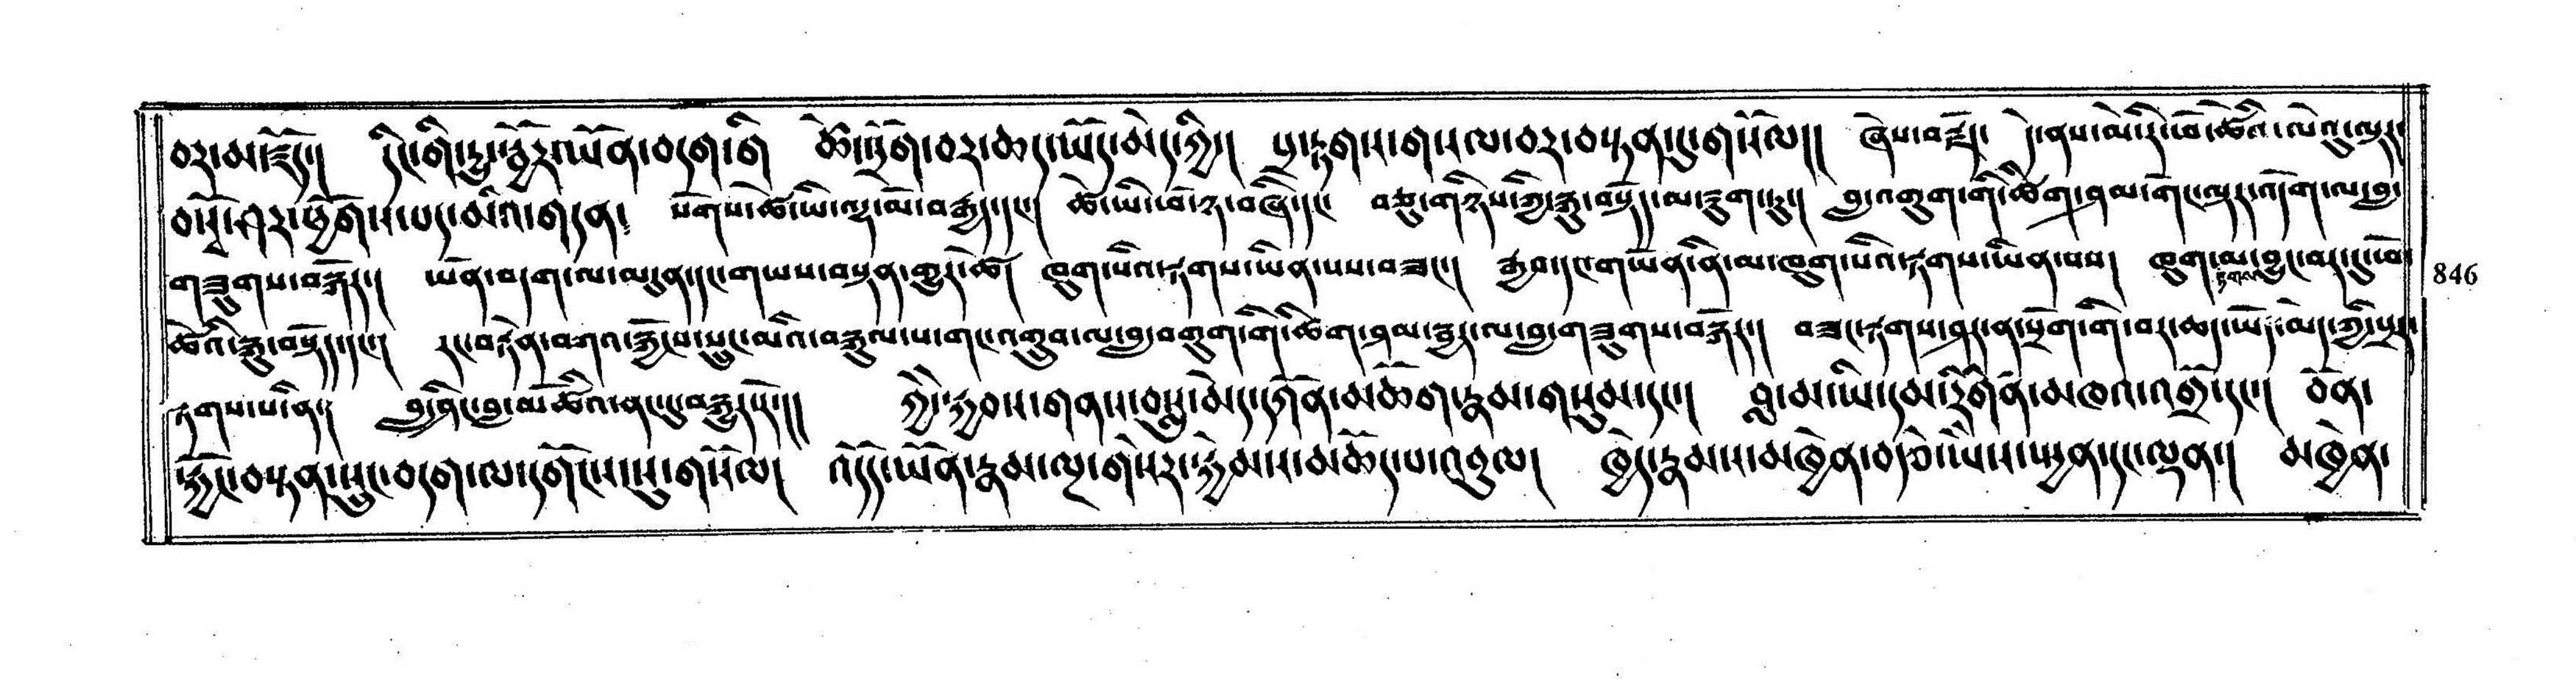བར་མཛོད། དིང་གི་རྒྱུ་སྦྱོར་ཡོན་བདག་གི། ཚེ་སྲོག་བར་ཆད་ཡོད་མེད་ཀྱི། པྲ་རྟགས་གསལ་བར་བསྟན་དུ་གསོལ།། ཞེས་བརྗོད་དེ་ནས་མེ་རི་ཕོ་ཚེའི་ལེའུ་ལྟར་
བསྭོ་ཤར་ཕྱོགས་པད་མའི་གདན་སོགས་ཚེ་ཡི་ལྷ་མོ་བརྒྱད་དང་། ཚེ་ཡི་ཕོ་ཉ་བཞི་དང་བཅུ་གཉིས་ཀྱི་སྐུ་བསྟོད་མཇུག་ཏུ། བླ་འགུག་གི་ཚིག་ཤམ་གོང་ལྟར་འདོག་ལ་བླ་
གཟུགས་བསྐོར། ཡོན་བདག་ལ་མདུན་དང་གཡས་བསྟན་གྱུར་ཚེ། ཁུག་པའི་རྟགས་ཡིན་པས་བཟང་། རྒྱབ་དང་གཡོན་ནི་མ་ཁུག་པའི་རྟགས་ཡིན་པས། ཁུག་རྟགས་མ་བྱུང་བར་དུ་ཕོ་ཚེའི་
སྐུ་བསྟོད་དང་། རང་བརྟེན་བཀའ་སྐྱོངས་སྲུང་མའི་བསྐུལ་པ་གང་འགྲུབ་ལ་བླ་བགུག་གི་ཚིག་ཤམ་སྦྱར་ལ་བླ་གཟུགས་བསྐོར། བཟང་རྟགས་ཤར་ན་སྲོག་གི་བར་ཆད་ཡོད་མེད་ཀྱི་པྲར་
བརྟག་པ་ནི། བླ་ཤིང་བླ་མཚོའི་ནང་དུ་བསྐྱུར་རོ།། ཀྱཻ་སྐྱབས་གནས་བསླུ་མེད་དཀོན་མཆོག་རྣམ་གསུམ་དང་། བླ་མ་ཡི་དམ་རིག་འཛིན་མཁའ་འགྲོ་དང་། བོན་
སྐྱོང་བསྟན་སྲུང་བདག་ལ་དགོངས་སུ་གསོལ། འདོད་ཡོན་རྣམ་ལྔ་གསེར་སྐྱེམས་མཆོད་པ་འབུལ། ཁྱེད་རྣམས་མཁྱེན་བརྩེ་ཡེ་ཤེས་སྤྱན་དང་ལྡན། མཁྱེན་